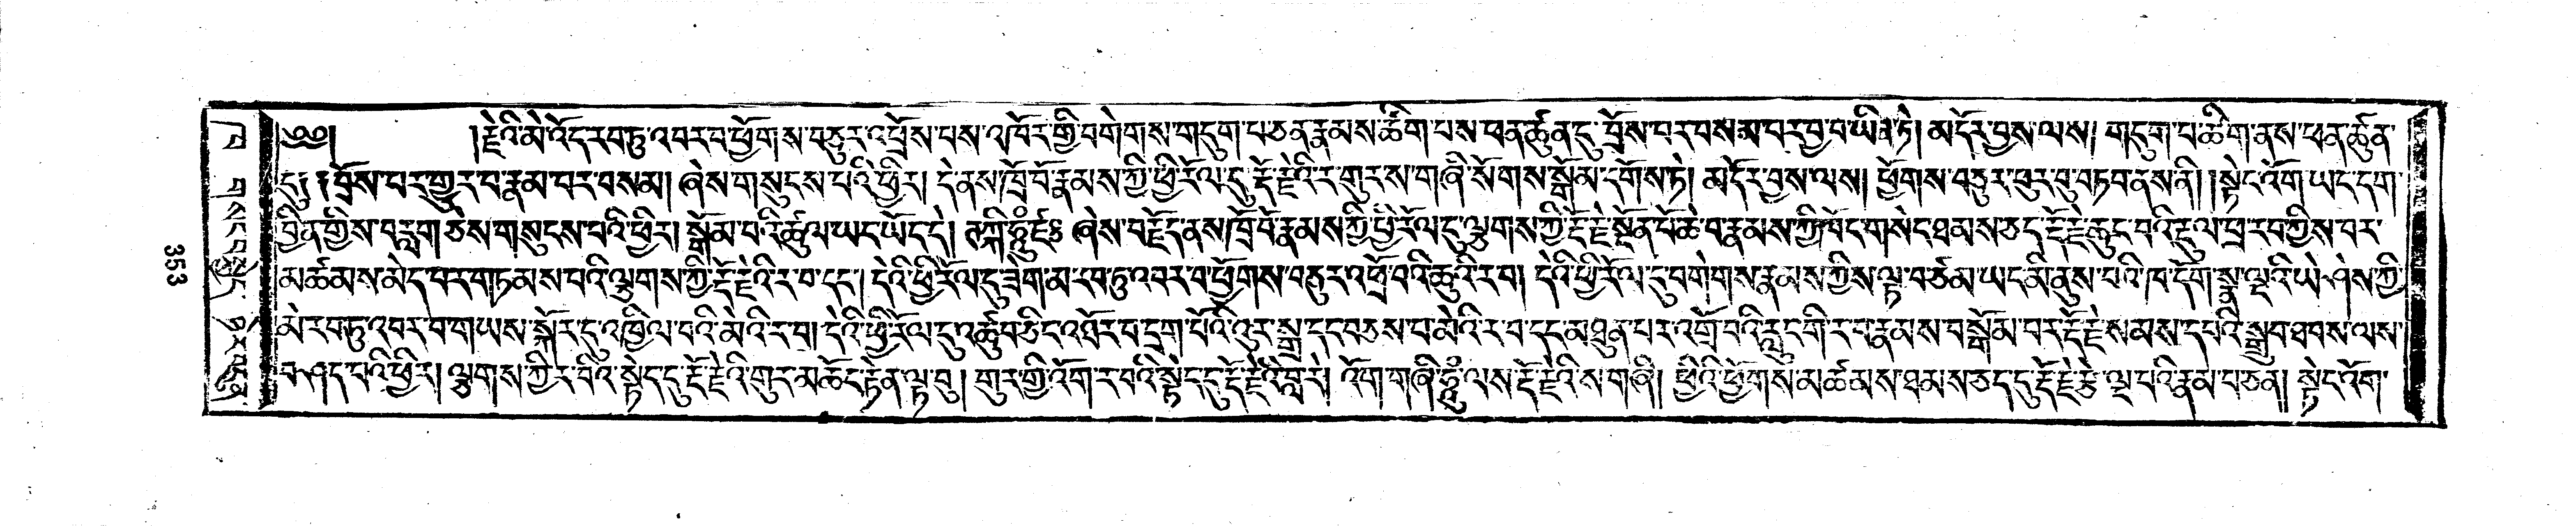༄༅། །རྗེའི་མེ་འོད་རབ་ཏུ་འབར་བ་ཕྱོགས་བཅུར་འཕྲོས་པས་འཁོར་གྱི་བགེགས་གདུག་པ་ཅན་རྣམས་ཚིག་པས་ཕན་ཚུན་དུ་པྲོས་པར་བསམ་པར་བྱ་བ་ཡིན་ཏེ། མདོར་བྱས་ལས། གདུག་པ་ཚིག་ནས་ཕན་ཚུན་
དུ༑ ༑བྲོས་པར་གྱུར་བ་རྣམ་པར་བསམ། ཞེས་གསུངས་པའི་ཕྱིར། དེ་ནས་ཁྲོ་བོ་རྣམས་ཀྱི་ཕྱི་རོལ་དུ་རྡོ་རྗེའི་ར་གུར་ས་གཞི་སོགས་སྒོམ་དགོས་ཏེ། མདོར་བྱས་ལས། ཕྱོགས་བཅུར་ཕུར་བུ་བཏབ་ནས་ནི། །སྟེང་འོག་ཡང་དག་
བྱིན་གྱིས་བརླབ། ཅེས་གསུངས་པའི་ཕྱིར། སྒོམ་པའི་ཚུལ་ཡང་ཡོད་དེ། ཊཀྐི་ཧཱུཾ་ཛཿ ཞེས་བརྗོད་ནས་ཁྲོ་བོ་རྣམས་ཀྱི་ཕྱི་རོལ་དུ་ལྕགས་ཀྱི་རྡོ་རྗེ་སྔོན་པོ་ཆེ་བ་རྣམས་ཀྱི་ཁོང་གསེང་ཐམས་ཅད་རྡོ་རྗེ་ཆུང་བའི་རྡུལ་ཕྲ་རབ་ཀྱིས་བར་
མཚམས་མེད་པར་གཏམས་པའི་ལྕགས་ཀྱི་རྡོ་རྗེའི་ར་བ་དང་། དེའི་ཕྱི་རོལ་དུ་ཟེག་མ་རབ་ཏུ་འབར་བ་ཕྱོགས་བཅུར་འཕྲོ་བའི་ཆུའི་རབ། དེའི་ཕྱི་རོལ་དུ་བགེགས་རྣམས་ཀྱིས་ལྟ་བ་ཙམ་ཡང་མི་ནུས་པའི་ཁ་དོག་སྣ་ལྔའི་ཡེ་ཤེས་ཀྱི་
མེ་རབ་ཏུ་འབར་བ་གཡས་སྐོར་དུ་འཁྱིལ་བའི་མེའི་རབ། དེའི་ཕྱི་རོལ་དུ་འཚུབ་ཅིང་འཐོར་བ་དྲག་པོའི་འུར་སྒྲ་དང་བཅས་པ་མེའི་ར་བ་དང་མཐུན་པར་འགྲོ་བའི་རླུང་གི་ར་བ་རྣམས་བསྒོམ་པར་རྡོ་རྗེ་སེམས་དཔའི་སྒྲུབ་ཐབས་ལས་
བཤད་པའི་ཕྱིར། ལྕགས་ཀྱི་ར་བའི་སྟེང་དུ་རྡོ་རྗེའི་གུར་མཆོད་རྟེན་ལྟ་བུ། གུར་གྱི་འོག་ར་བའི་སྟེང་དུ་རྡོ་རྗེའི་བླ་རེ། འོག་གཞི་ཧཱུཾ་ལས་རྡོ་རྗེའི་ས་གཞི། ཕྱིའི་ཕྱོགས་མཚམས་ཐམས་ཅད་དུ་རྡོ་རྗེ་རྩེ་ལྔ་པའི་རྣམ་པ་ཅན། སྟེང་འོག་